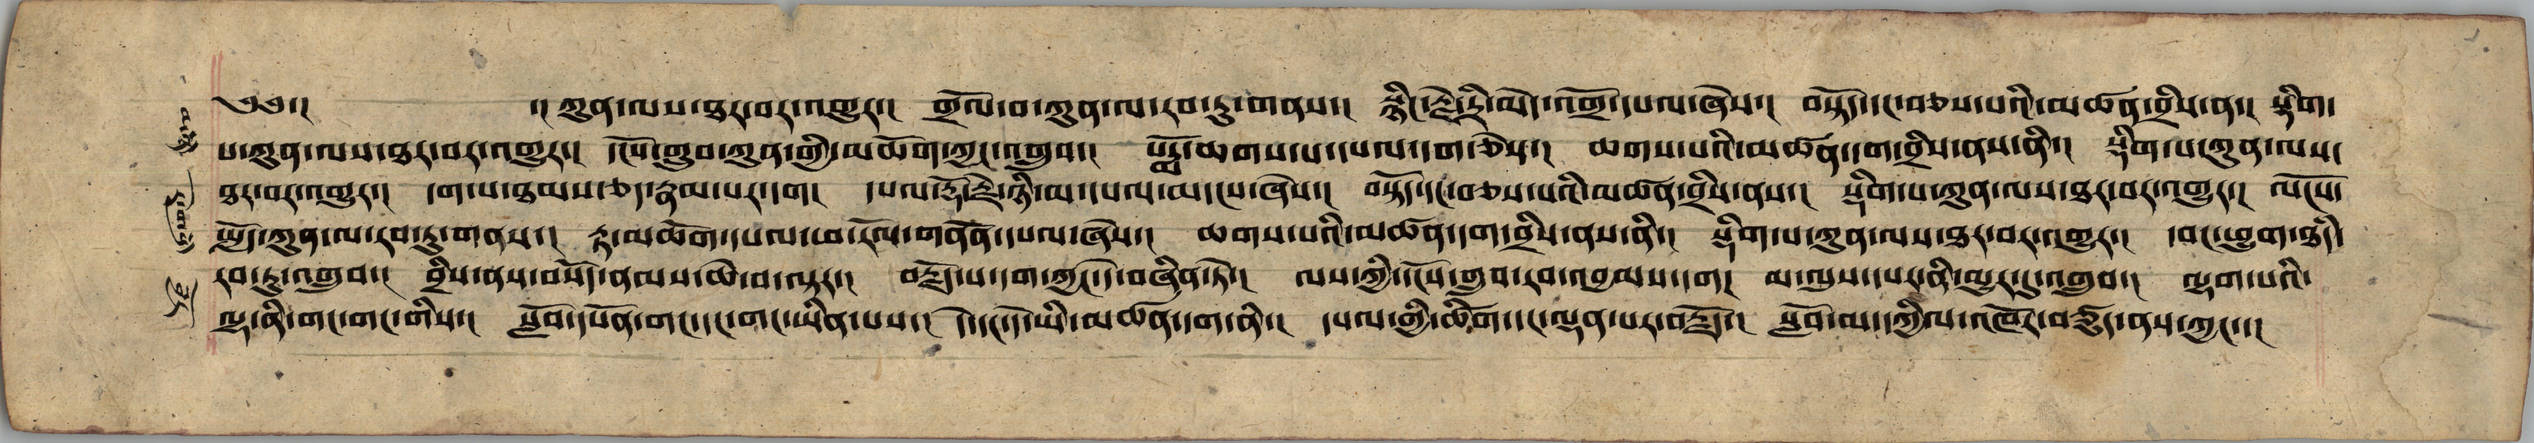༄༅་། ་།ཀུན་ལས་ཐར་བར་འགྱུར་། གྲོལ་བ་ཀུན་ལ་རབ་ཏུ་གནས་། སྙིང་རྗེ་དྲི་མེད་འགྲོ་དཔལ་ཞེས་། བསྟོད་དང་བཅས་པའི་མཚན་བྲིས་ན་། སྡིག་
པ་ཀུན་ལས་ཐར་བར་འགྱུར་། དངོས་གྲུབ་ཀུན་གྱི་མཆོག་ཀྱང་འགྲུབ་། པདྨོ་ཆགས་པ་དཔལ་དག་ཅེས་། ཆགས་པའི་མཚན་དག་བྲིས་ནས་ནི་། སྡིག་པ་ཀུན་ལས་
ཐར་བར་འགྱུར་། དག་པ་ཐམས་ཅད་རྣམ་པར་དག། དཔལ་རྡོ་རྗེ་ཉི་མ་དཔལ་མདངས་ཞེས་། བསྟོད་དང་བཅས་པའི་མཚན་བྲིས་ནས་། སྡིག་པ་ཀུནལས་ཐར་བར་འགྱུར་། ལོངས་
སྤྱོད་ཀུན་ལ་རབ་ཏུ་གནས་། རྟ་མཆོག་དཔལ་ཕ་རོལ་གནོན་དཔལ་ཞེས་། ཆགས་པའི་མཚན་དག་བྲིས་ནས་ནི་། སྡིག་པ་ཀུན་ལས་ཐར་བར་འགྱུར་། དབང་ཕྱུག་ཐཾད་
རབ་ཏུ་འགྲུབ་། བྲིས་ནས་བསོད་ནམས་ཆེ་བ་ལྟར་། བརྗོད་པ་དག་ཀྱང་དེ་བཞིན་ཏེ་། ལས་ཀྱི་དངོས་གྲུབ་རབ་འབྱམས་དག། མ་ལུས་དཔར་ནི་མྱུར་དུ་འགྲུབ་། ལྷག་པའི་
ལྷ་ནི་གང་གང་གིས་། སློབ་དཔོན་གང་དང་གང་ཡིན་པས་། དེ་དང་དེ་ཡི་མཚན་དག་ནི་། དཔལ་གྱི་ཚིག་དང་ལྡན་པར་བརྗོད་། སློབ་མ་དཀྱིལ་འཁོར་བཙུད་ནས་ཀྱང་་།